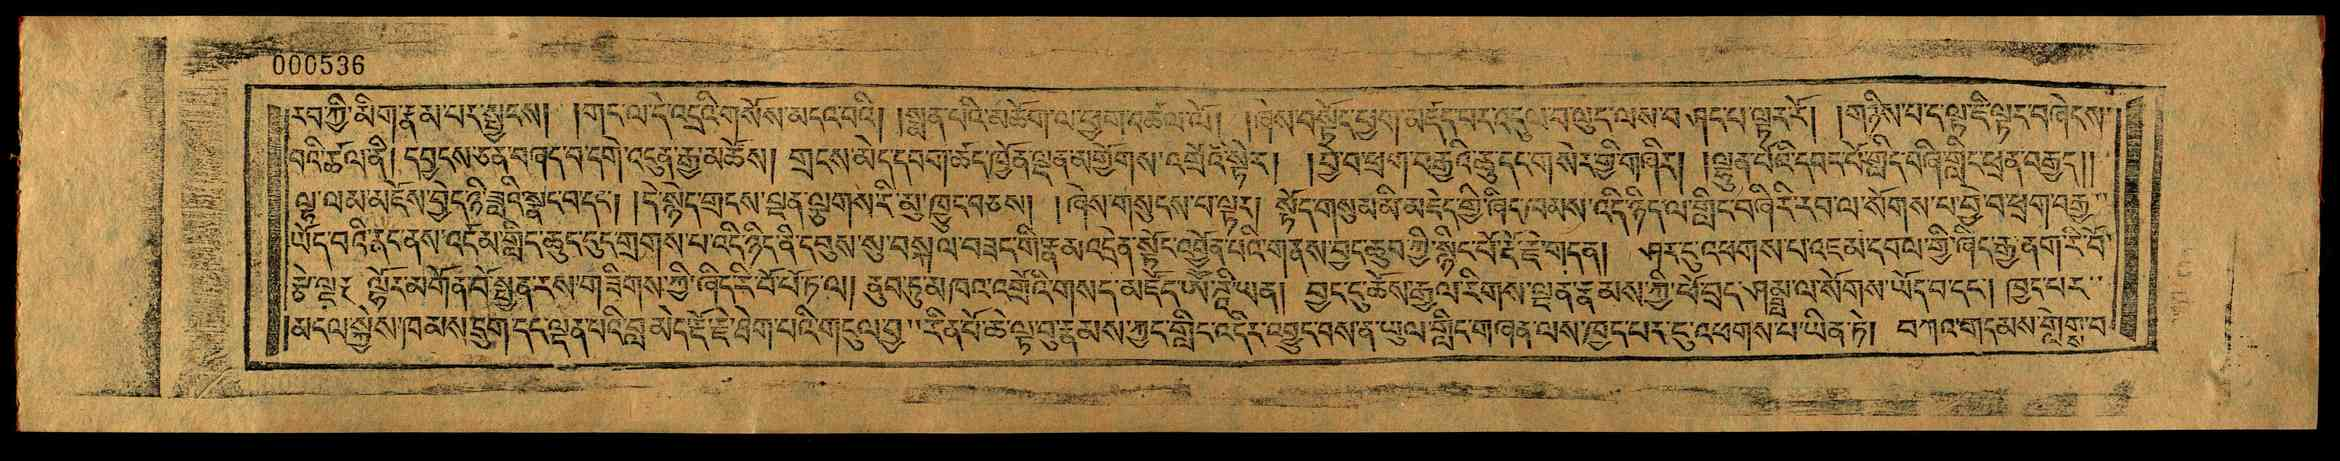རབ་ཀྱི་མིག་རྣམ་པར་སྦྱངས། །གང་ལ་དེ་འདྲའི་གསོས་མངའ་བའི། །སྨན་པའི་མཆོག་ལ་ཕྱག་འཚལ་ལོ། །ཞེས་བསྟོང་ཕྱག་མཛད་པར་འདུལ་བ་ལུང་ལས་བཤད་པ་ལྟར་རོ། །གཉིས་པ་ད་ལྟ་ཇི་ལྟར་བཞེངས་
པའི་ཚུལ་ནི། དབྱངས་ཅན་བཞད་པ་དགེ་འདུན་རྒྱ་མཚོས། གྲངས་མེད་དཔག་ཚད་ཁྱོན་ལྡན་མགྱོགས་འགྲོའི་སྟེང་། །བྱེ་བ་ཕྲག་བརྒྱའི་ཆུ་དང་གསེར་གྱི་གཞིར། །ལྷུན་པོའི་དབང་པོ་གླིང་བཞི་གླིང་ཕྲན་བརྒྱད།།
ལྷ་ལམ་མཛེས་བྱེད་ཉི་ཟླའི་སྣང་བ་དང་། །དེ་སྙེད་གྲགས་ལྡན་ལྕགས་རི་མུ་ཁྱུད་བཅས། །ཞེས་གསུངས་པ་ལྟར། སྟོང་གསུམ་མི་མཇེད་གྱི་ཞིང་ཁམས་འདི་ཉིད་ལ་གླིང་བཞི་རི་རབ་ལ་སོགས་པ་བྱེ་བ་ཕྲག་བརྒྱ་
ཡོད་པའི་ནང་ནས་འཛམ་གླིང་ཆུང་དུར་གྲགས་པ་འདི་ཉིད་ནི་དབུས་སུ་བསྐལ་བཟང་གི་རྣམ་འདྲེན་སྟོང་འབྱོན་པའི་གནས་བྱང་ཆུབ་ཀྱི་སྙིང་པོ་རྡོ་རྗེ་གདན། ཤར་དུ་འཕགས་པ་འཇམ་དཔལ་གྱི་ཞིང་རྒྱ་ནག་རི་བོ་
རྩེ་ལྔ༑ ལྷོར་མགོན་པོ་སྤྱན་རས་གཟིགས་ཀྱི་ཞིང་རི་བོ་པོ་ཏ་ལ། ནུབ་ཏུ་མཁའ་འགྲོའི་གསང་མཛོད་ཨོ་ཌཱི་ཡ་ན། བྱང་དུ་ཆོས་རྒྱལ་རིགས་ལྡན་རྣམས་ཀྱི་ཕོ་བྲང་ཤམྦཱ་ལ་སོགས་ཡོད་པ་དང་། ཁྱད་པར་
མངལ་སྐྱེས་ཁམས་དྲུག་དང་ལྡན་པའི་བླ་མེད་རྡོ་རྗེ་ཐེག་པའི་གདུལ་བྱ་་་རིན་པོ་ཆེ་ལྟ་བུ་རྣམས་ཀྱང་གླིང་འདིར་འབྱུང་བས་ན་ཡུལ་གླིང་གཞན་ལས་ཁྱད་པར་དུ་འཕགས་པ་ཡིན་ཏེ། བཀའ་གདམས་གླེགས་བཾ་